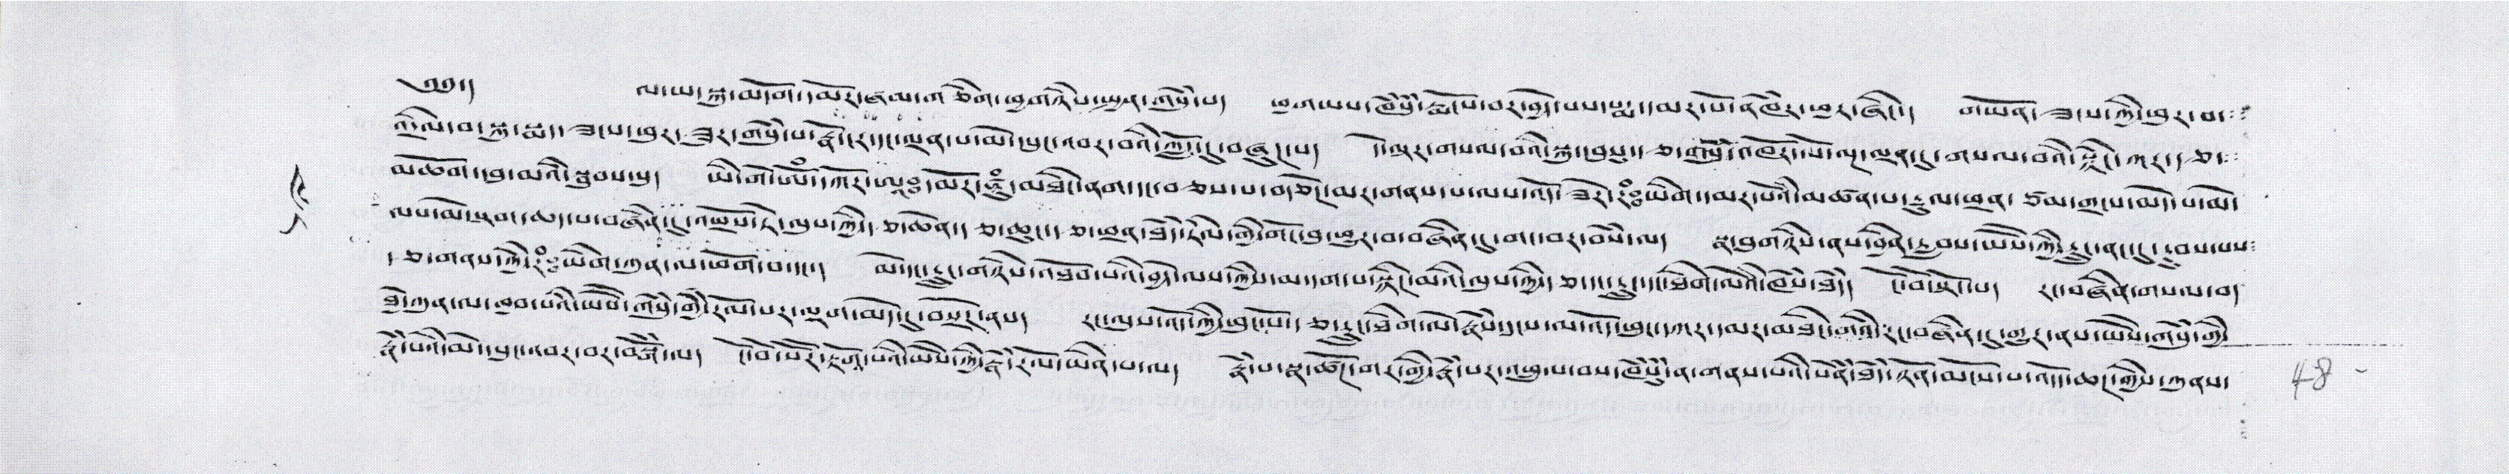ལ་ཡ་སྐུ་མདོག་དམར་པོ་ཞལ་གཅིག་ཕྱག་གཉིས་སྤྱན་གསུམ་པ། ཕྱག་གཡས་ཁམས་གསུམ་རྨོངས་པར་བྱེད་པས་པདྨ་དམར་པོ་ནམ་མཁར་ཕྱར་ཞིང་། གཡོན་ཟངས་ཀྱི་ཕུར་པ་
འདྲིལ་བ་སྐུ་སྨད་ཟངས་ཕུར་ཟུར་གསུམ་པ་རྣོ་ངར་དང་ལྡན་པ་མེ་དཔུང་འབར་བའི་ཀློང་དུ་བཞུགས་པ། དེ་ལྟར་གསལ་བའི་སྐུ་དབུས་སུ་རྩ་གསུམ་འཁོར་ལོ་ལྔ་ལྡན་དུ་གསལ་བའི་སྙིང་ཀར་རྩ་
མཆོག་དབུ་མའི་སྦུབས་སུ། ཡི་གེ་ཨོཾཿདཀར་པོ་ཨཱཿདམར་པོ་ཧཱུཾཿམཐིང་ནག་དང་བཅས་པ་བརྩེགས་མར་གནས་པ་ལས་འོད་ཟེར་རཾཿཡིག་དམར་པོའི་མཚན་པ་རྡུལ་ཕྲན་ཙམ་གྲངས་མེད་པ་མེ་
ལས་མེ་སྟག་ཆད་པ་བཞིན་དུ་འཕྲོས་ཏེ་ལུས་ཀྱི་རྩ་ཆེན་རྩ་ཆུང་རྩ་ཕྲན་ཐམས་ཅད་རིལ་གྱིས་གོང་བུ་ཕྱུར་བ་བཞིན་དུ་གང་བར་བསམ་ལ། སྣ་བུག་གཉིས་ནས་བྱིན་རླབས་ཡེ་ཤེས་ཀྱི་རླུང་ནང་དུ་རྔུབས་པས་
རྩ་གནས་ཀྱི་རཾཿཡིག་ཀུན་ལ་ཕོག་པ་དང་། མེ་དང་རླུང་གཉིས་འཐོབ་པའི་བྱེད་ལས་ཀྱིས་མ་དག་པ་སྙིགས་མའི་རྩ་དང་རླུང་དང་ཐིག་ལེའི་ཁམས་ཐམས་ཅད། ངོ་བོ་སྟོང་པ། རང་བཞིན་གསལ་བ། 
ཐུགས་རྗེ་ཀུན་ལ་ཁྱབ་པའི་ཡེ་ཤེས་གསུམ་གྱི་རོལ་པར་ལྷག་མེད་དུ་བསྲེགས་ནས། རང་ལུས་འོད་ཀྱི་ཕུང་པོ་རྩ་རླུང་ཐིག་ལེ་རྣམས་དྭངས་མ་འོད་ཕུང་དཀར་དམར་མཐིང་གའི་རང་བཞིོན་དུ་གྱུར་ནས་ཡེ་ཤེས་གསུམ་གྱི་
རྣམ་པའི་མེ་དཔུང་འབར་བར་བསྒོམ་ལ། ངོ་བོ་སོ་སོར་རྟོག་པའི་ཡེ་ཤེས་ཀྱི་རྣམ་རོལ་ཡིན་པ་ལ། རྣམ་པ་སྣ་ཚོགས་གར་གྱི་རྣམ་པ་འཕྲུལ་བས་ཁམས་གསུམ་ན་གནས་པའི་སེམས་ཅན་ཐམས་ཅད་ཉོན་མོངས་པ་འདོད་ཆགས་ཀྱིས་ཀུན་ནས་